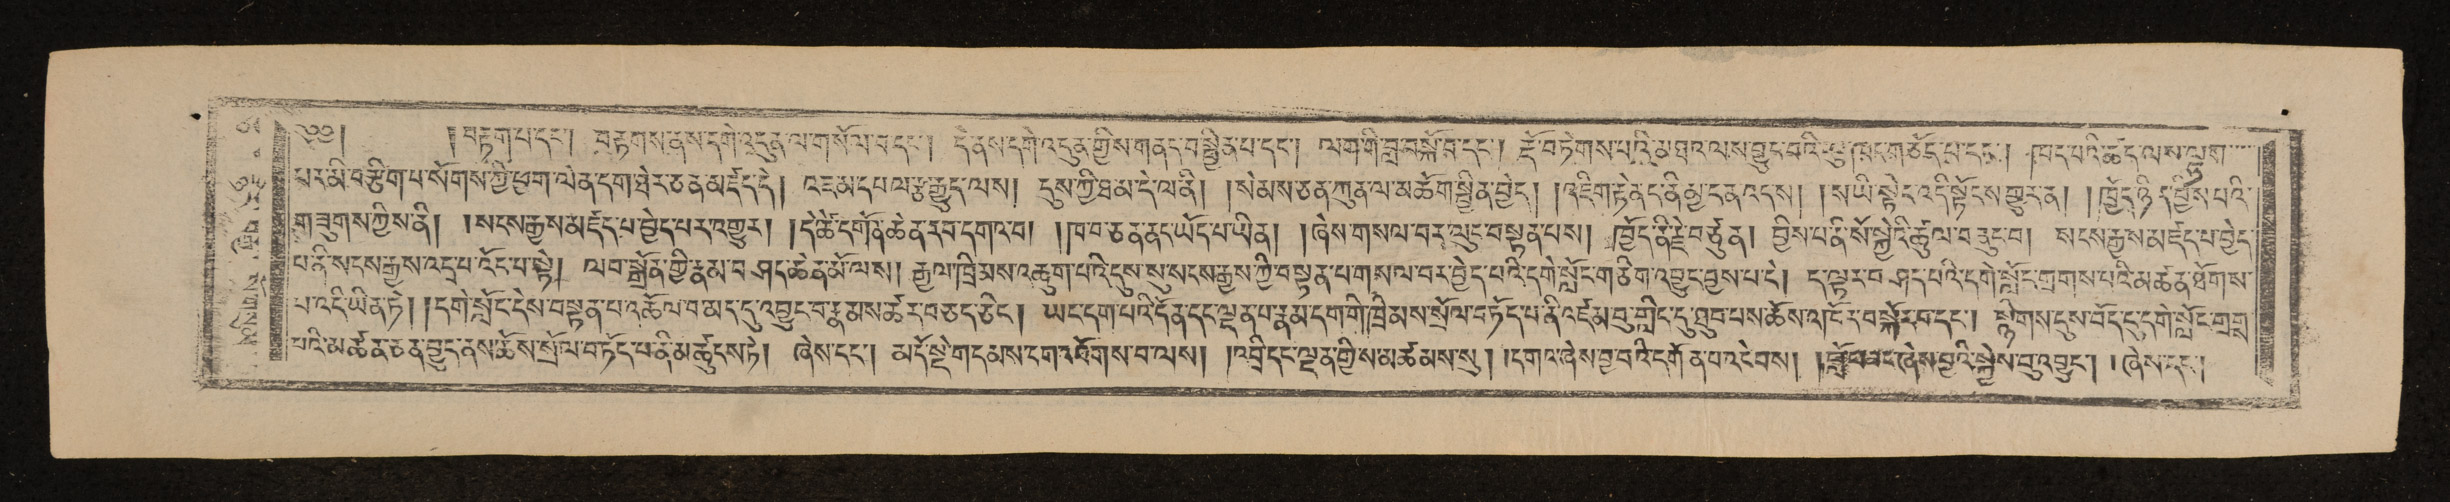༄༅། །བརྟག་པ་དང་། བརྟགས་ནས་དགེ་འདུན་ལ་གསོལ་བ་དང་། དེ་ནས་དགེ་འདུན་གྱིས་གནང་བ་སྦྱིན་པ་དང་། ལག་གི་བླ་བསྐོ་བ་དང་། རྡོ་བཏེགས་པའི་མཐའ་ལས་བྱུང་བའི་རུང་ཁང་གཅོད་པ་དང་། ཁང་པའི་ཚད་ལས་ལྷག་
པར་མི་བརྩིག་པ་སོགས་ཀྱི་ཕྱག་ལེན་དག་ཐེར་ཅན་མཛད་དེ། འཇམ་དཔལ་རྩ་རྒྱུད་ལས། དུས་ཀྱི་ཐ་མ་དེ་ལ་ནི། །སེམས་ཅན་ཀུན་ལ་མཆོག་སྦྱིན་བྱེད། །འཇིག་རྟེན་ང་ནི་མྱ་ངན་འདས། །ས་ཡི་སྟེང་འདི་སྟོངས་གྱུར་ན། །ཁྱོད་ཉིད་བྱིས་པའི་
གཟུགས་ཀྱིས་ནི། །སངས་རྒྱས་མཛད་པ་བྱེད་པར་འགྱུར། །དེ་ཚེ་དགོན་ཆེན་རབ་དགའ་བ། །ཁ་བ་ཅན་ནང་ཡོད་པ་ཡིན། །ཞེས་གསལ་བར་ལུང་བསྟན་པས། ཁྱོད་ནི་རྗེ་བཙུན། བྱིས་པ་ནི་སོ་སྐྱེའི་ཚུལ་བཟུང་བ། སངས་རྒྱས་མཛད་པ་བྱེད་
པ་ནི་སངས་རྒྱས་འདྲ་བ་འོང་པ་སྟེ། ལབ་སྒྲོན་གྱི་རྣམ་བཤད་ཆེན་མོ་ལས། རྒྱལ་ཁྲིམས་འཆུག་པའི་དུས་སུ་སངས་རྒྱས་ཀྱི་བསྟགས་པ་གསལ་བར་བྱེད་པའི་དགེ་སློང་གཅིག་འབྱུང་བྱས་པ་དེ། ད་ལྟར་བཤད་པའི་དགེ་སློང་གྲགས་པའི་མཚན་ཐོགས་
པ་འདི་ཡིན་ཏེ། དགེ་སློང་དེས་བསྟན་པ་འཆོལ་བ་མང་དུ་འབྱུང་བ་རྣམས་ཚར་བཅད་ཅིང་། ཡང་དག་པའི་དོན་དང་ལྡན་པ་རྣམ་དག་གི་ཁྲིམས་སྲོལ་བཏོད་པ་ནི་འཛམ་བུ་གླིང་དུ་ཐུབ་པས་ཆོས་འཁོར་བསྐོར་བ་དང་། སྙིགས་དུས་བོད་དུ་དགེ་སློང་གྲགས་
པའི་མཚན་ཅན་བྱུང་ནས་ཆོས་སྲོལ་བཏོད་པ་ནི་མཚུངས་ཏེ། ཞེས་དང་། མདོ་སྡེ་གདམས་ངག་འབོགས་པ་ལས། །འབྲི་དང་ལྡན་གྱི་ས་མཚམས་སུ། །དགའ་ཞེས་བྱ་བའི་དགོན་པ་འདེབས། །བློ་བཟང་ཞེས་བྱའི་སྐྱེས་བུ་འབྱུང་། །ཞེས་དང་།